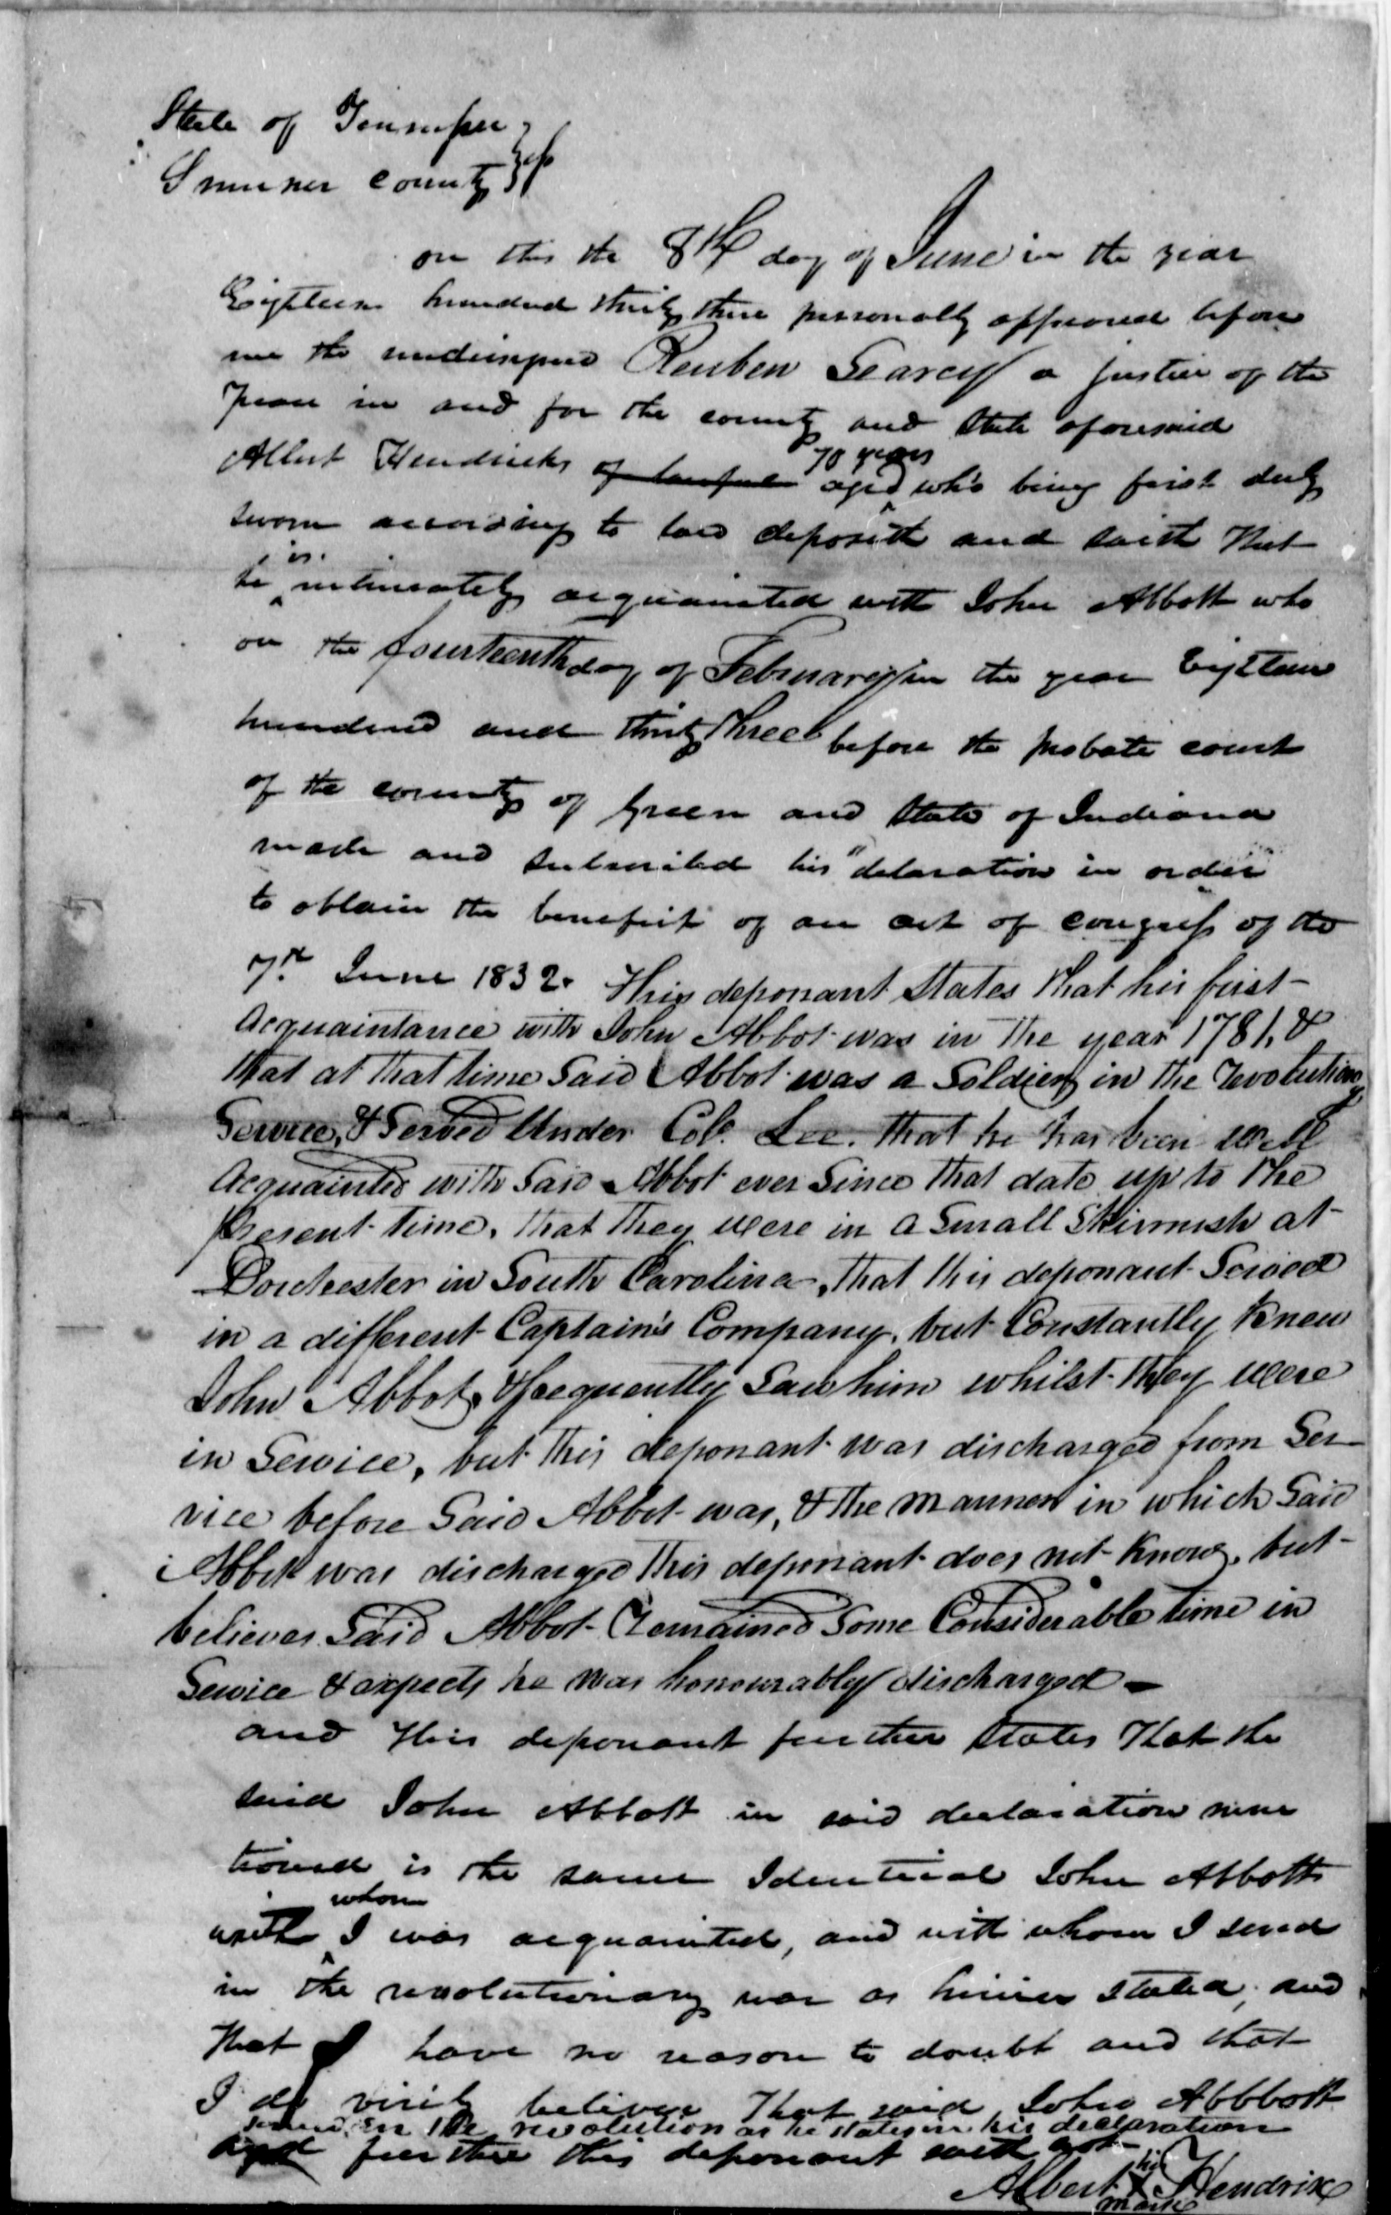State of Tennessee
Sumner County
On the 8th day of June in the year 
Eighteen hundred thirty three personally appeared before we the undersigned Rueben Searcy a justice of the peace in and for the county and state aforesaid 
Albert Hendrick 70 years aged who’s being first day sworn according to laid deposit and 
saith that 
He is intimately acquainted with John Abbott who
On the fourteenth day of February in the year Eighteen hundred thirty three 
hundred and thirty three before the probate court
of the County of Greene and State of Indiana
made and subscribed his declaration in order
to obtain the benefit of an act of congress of the
7th June 1832. This deponent states that his first
acquaintance with John Abbott was in the year 1781 &
that at that time said Abbot was a soldier in the Revolution
service, & served under Col Lee. that he has been well
acquainted with said Abbot ever since that date up to the
Present time, that they were in a small skirmish at
Dorchester in South Carolina, that this deponant served
in a different Captain's Company, but constantly knew
John Abbot & frequently saw him whilst they were
in service, but this deponent was discharged from service before said Abbot was, & the manner in which said
Affin was discharged this deponent does not know but

believes said Abbot Remained some considerable time in
service & expects he was honorably discharged and
this deponent further states that the
said John Abbott in said declaration mentioned in the same Identical John Abbott
with whom I was acquainted, and with whom I served
in the revolutionary war as time stated and
that I have no reason to doubt and that

I do virily believe that said John Abbot
was in the revolution as he states in his declaration
and further this deponent saith not
Albert   X   Hendrix
his mark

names: Abbot, Abbot, John Abbot, Lee, John Abbott, Abbot, Albert Hendrik, Abbot, Abbot, Albert Hendricks, Reuben Searcy, John Abbot, John Abbott, John Abbbott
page: 18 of 35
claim: survivor's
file: S. 32089, John Abbott, Continental N. C.